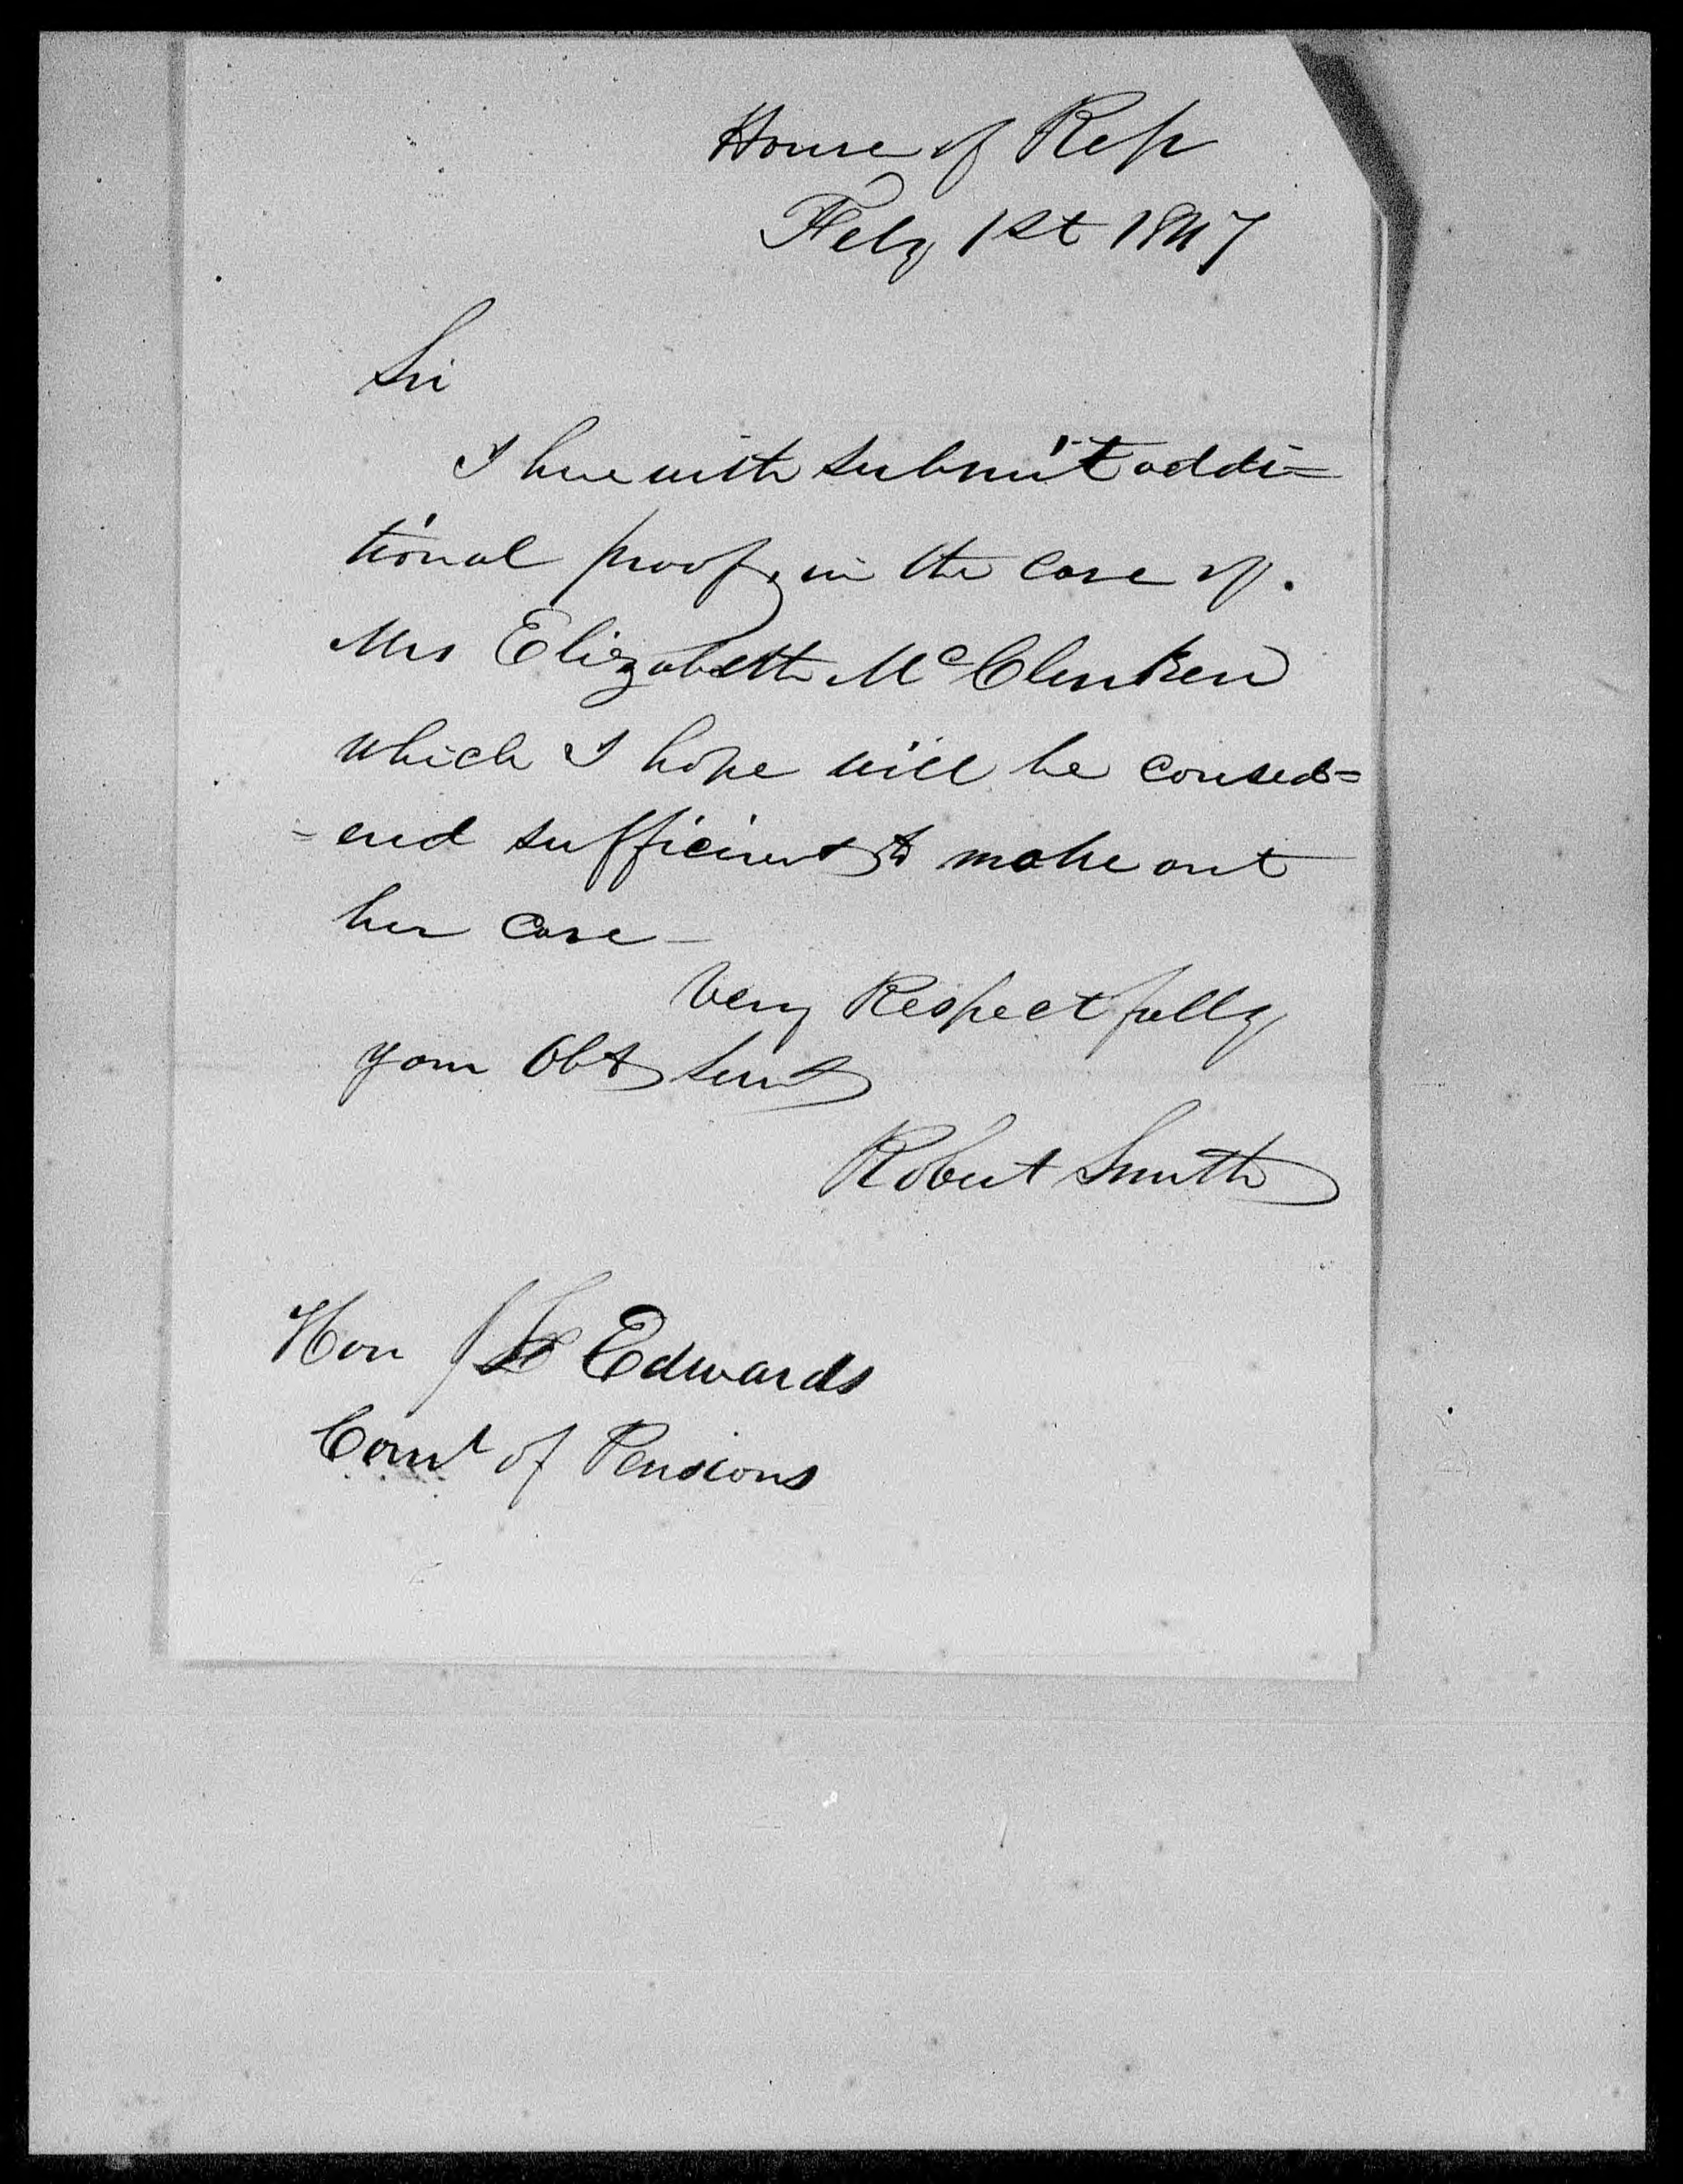House of Rep 
Feby 1st 1847

Sir
 I herewith submit additional proof in the case of 
Mrs Elizabeth McClurken which I hope will be considered sufficient to make out her case. 

Very Respectfully 
your Obt Sevt 

Robert Smith 

Hon JL Edwards 
Court of Pensions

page: 30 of 93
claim: widow's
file: W. 21792, for Thomas Mc Clurken, South Carolina